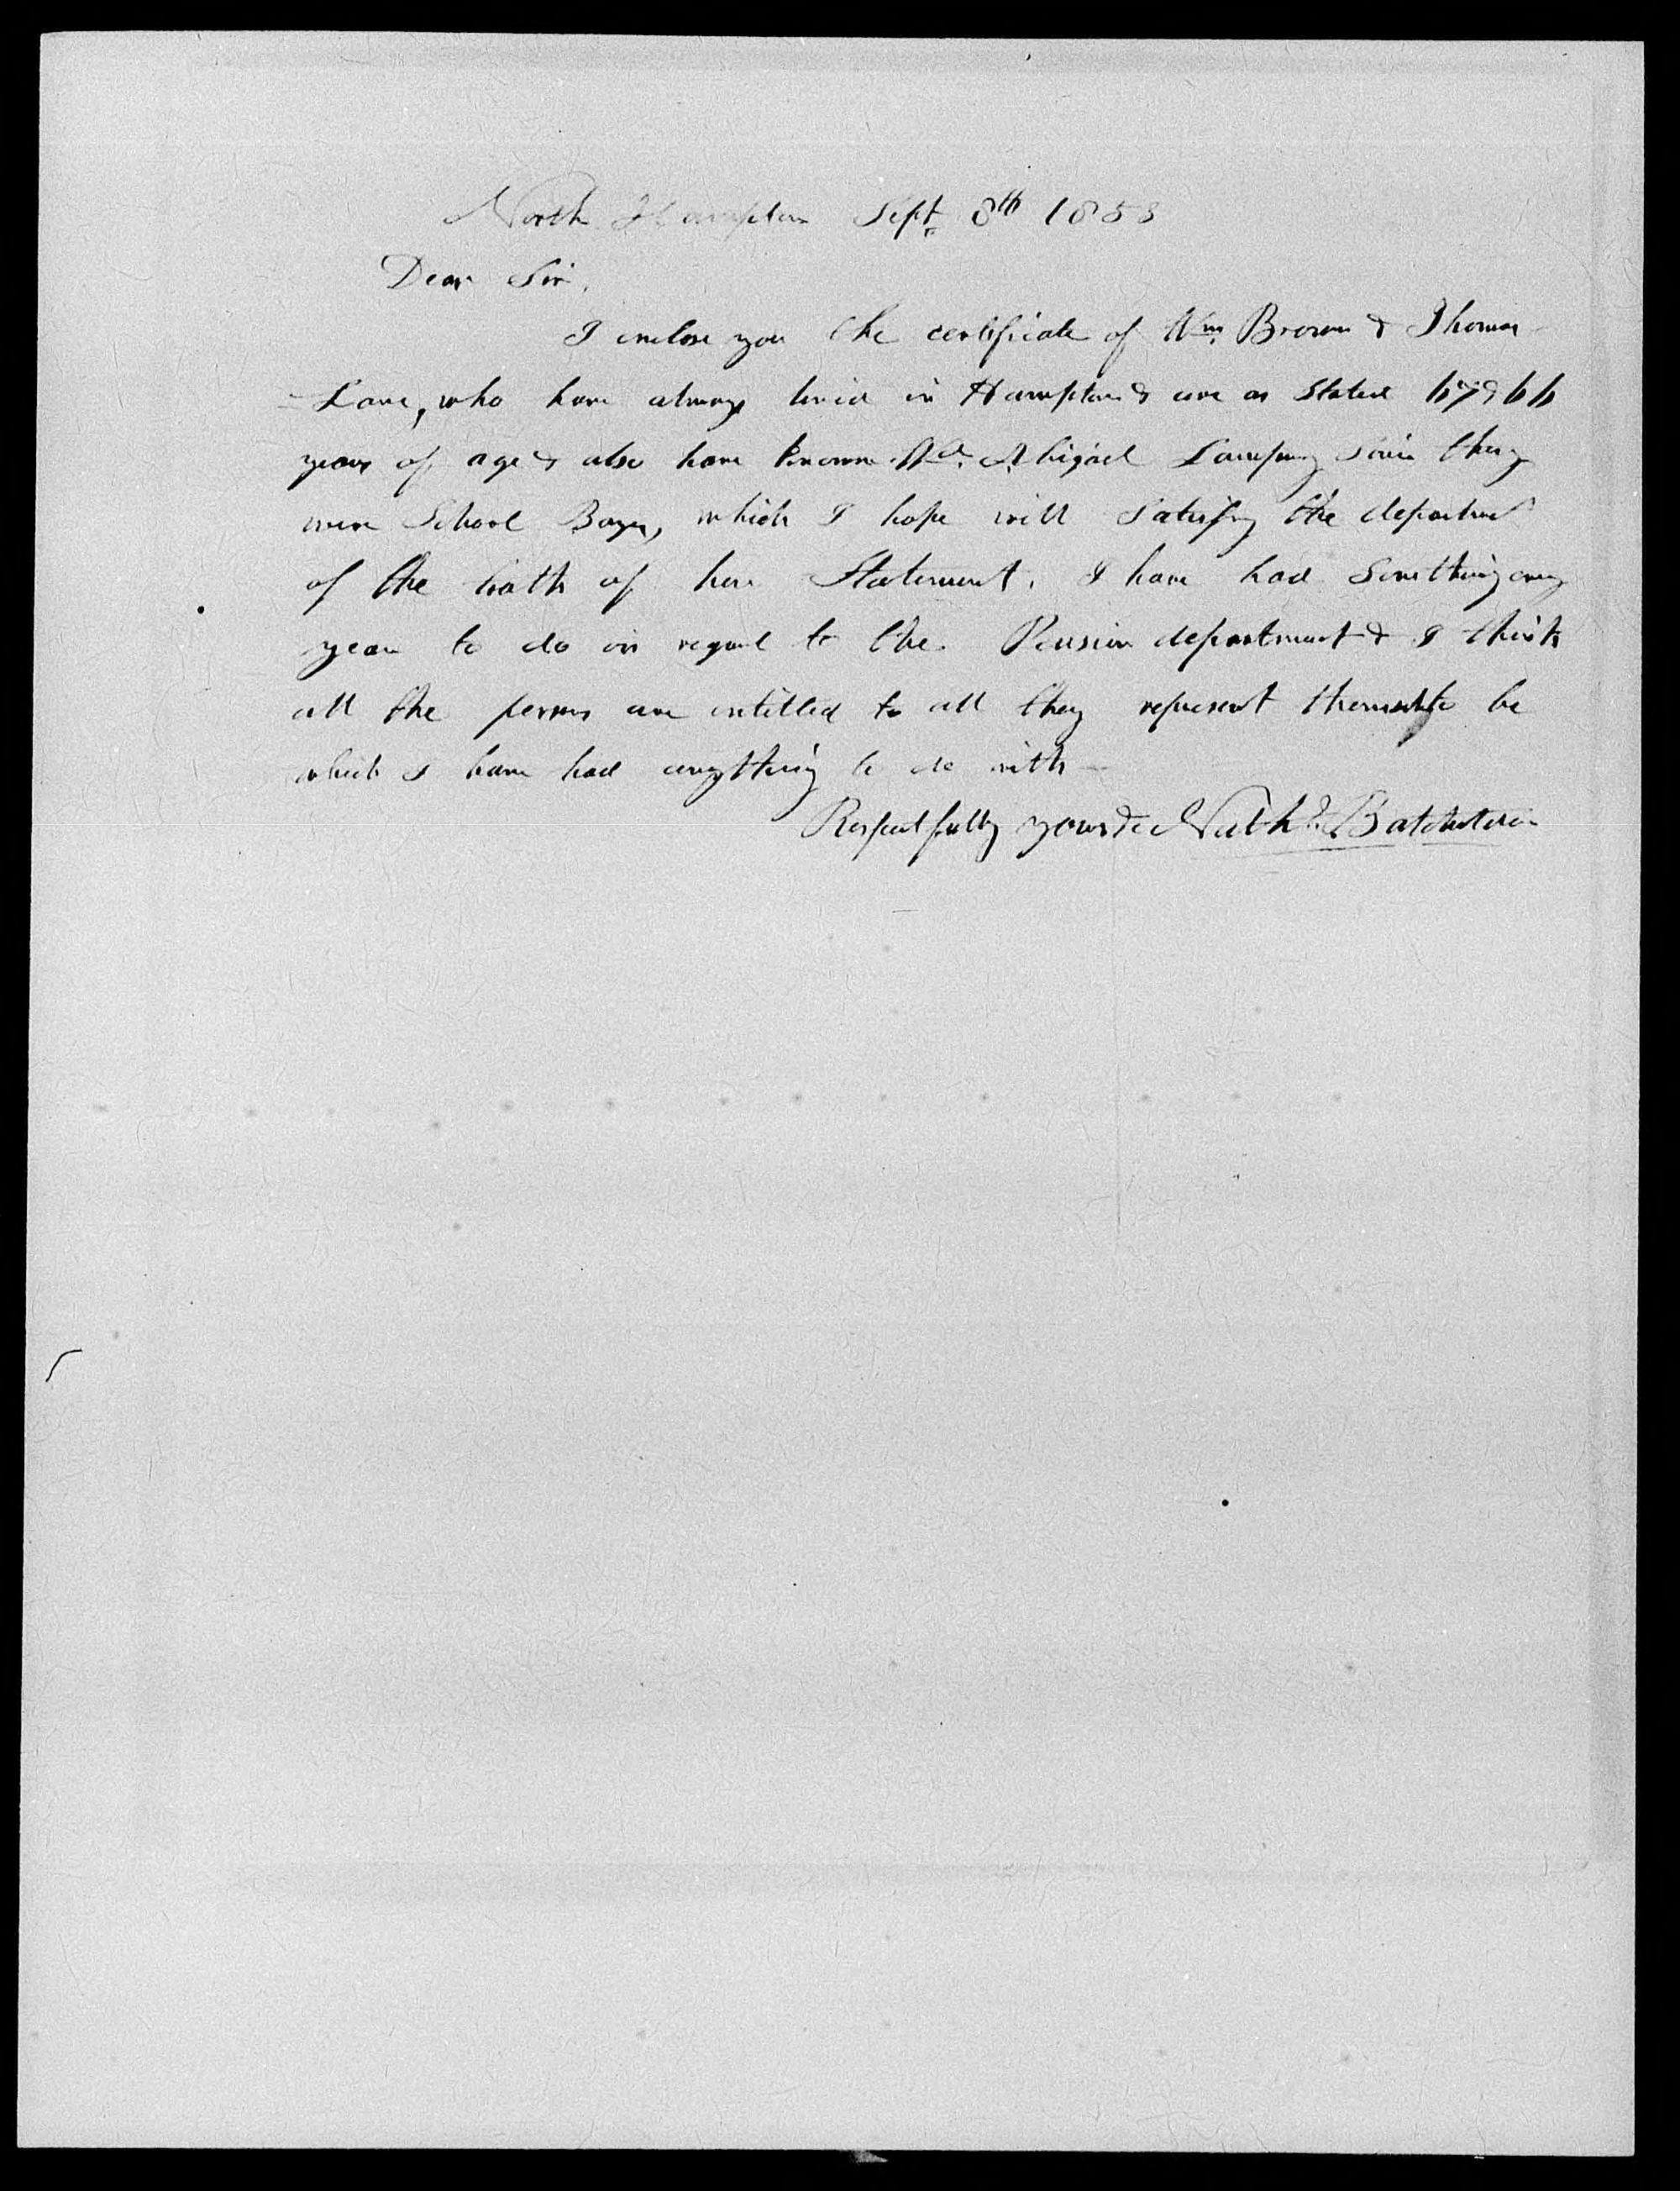North Hampton Sept. 8th 1853
Dear Sir,
I enclose you the certificate of Wm [WILLIAM] Brown & Thomas Lane, who have always lived in Hampton & are as stated 67 & 66 years of age & who have known sd [SAID] Abigail Lamprey since they were School Boys, which I hope will satisfy the department of the truth of her Statement. I 
have had something every year to do in regard to the Pension department & I think all the persons are entitled to all they request thereunto by which I have had anything to do with -
Respectfully yours &c [ETC] Nathl [NATHANIEL] Batchelder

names: Wm Brown; Nathl Batchelder; Abigail Lamprey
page: 53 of 53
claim: widow's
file: W. 492, for Daniel Lamprey, New Hampshire